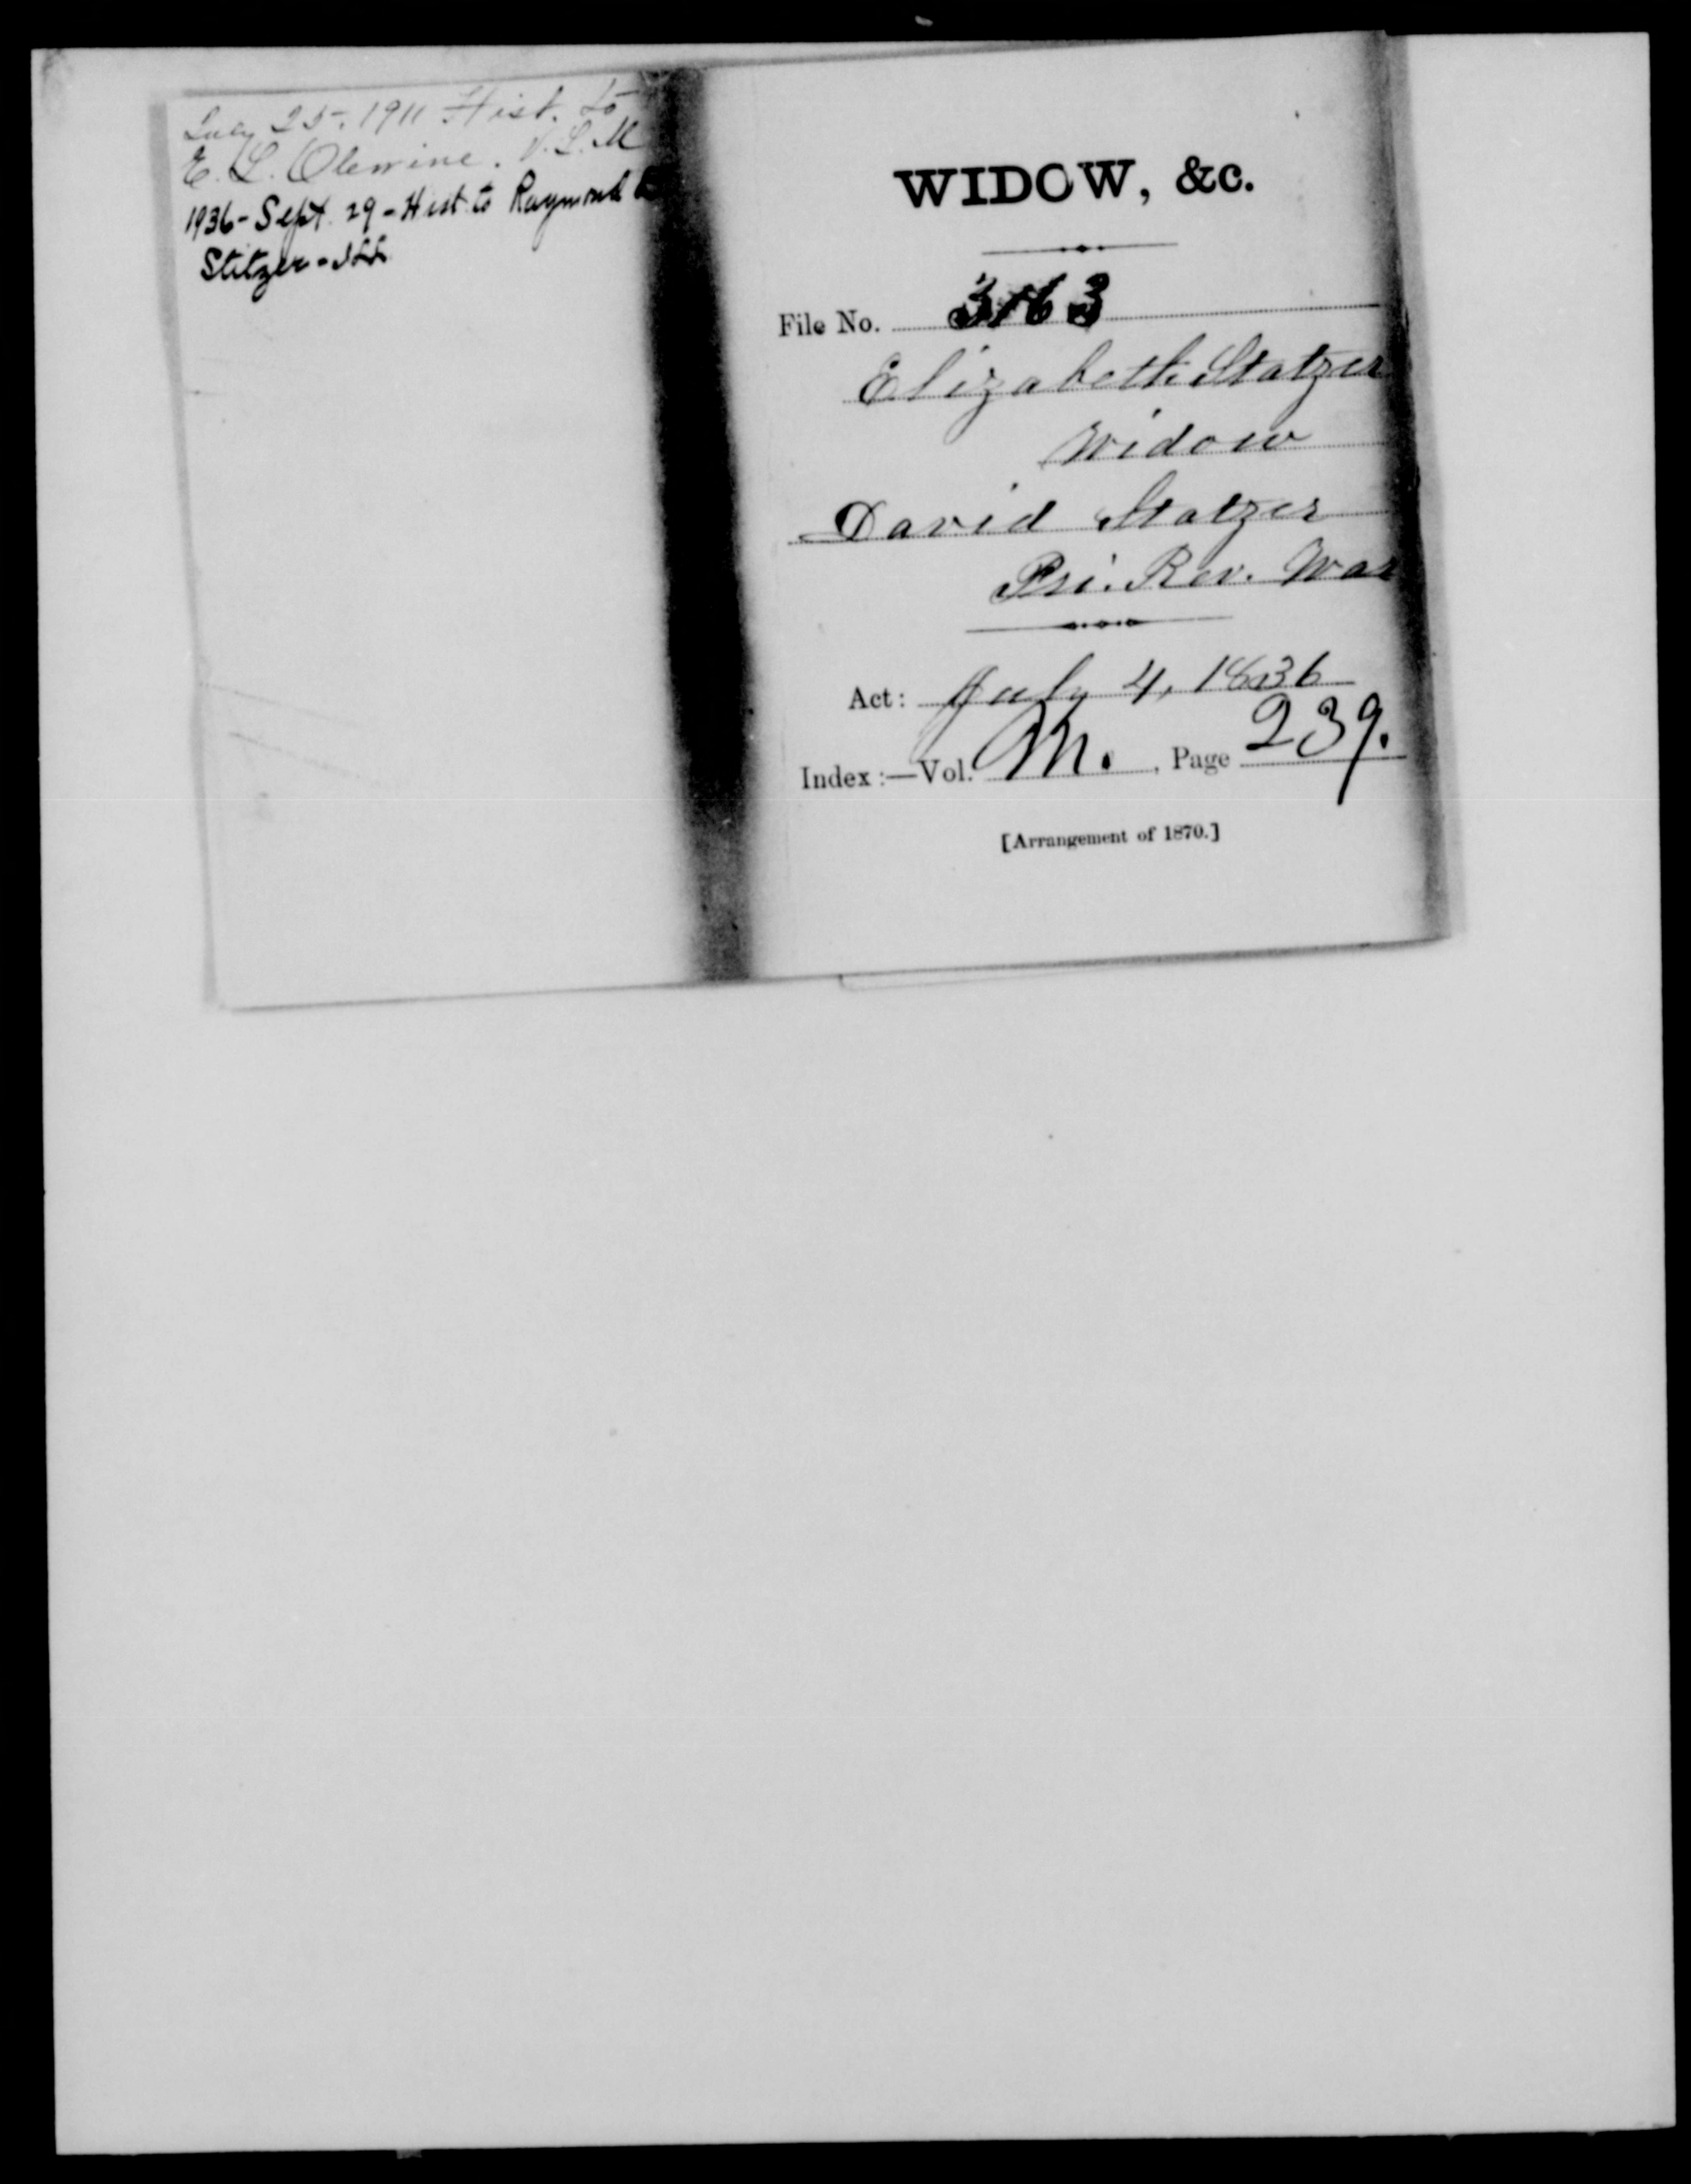July 25, 1911 History to E. L. Olewine 
1936. Sept 29 - History to Raymond Stitzer
WIDOW, &c.
File No. 3163
Elizabeth Statzer, widow, David Statzer, Private Rev. War
Act: July 4, 1836
Index: Vol. M. Page 239
[Arrangement of 1870.]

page: 25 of 28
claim: widow's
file: W. 3163, for David Statser, Pennsylvania